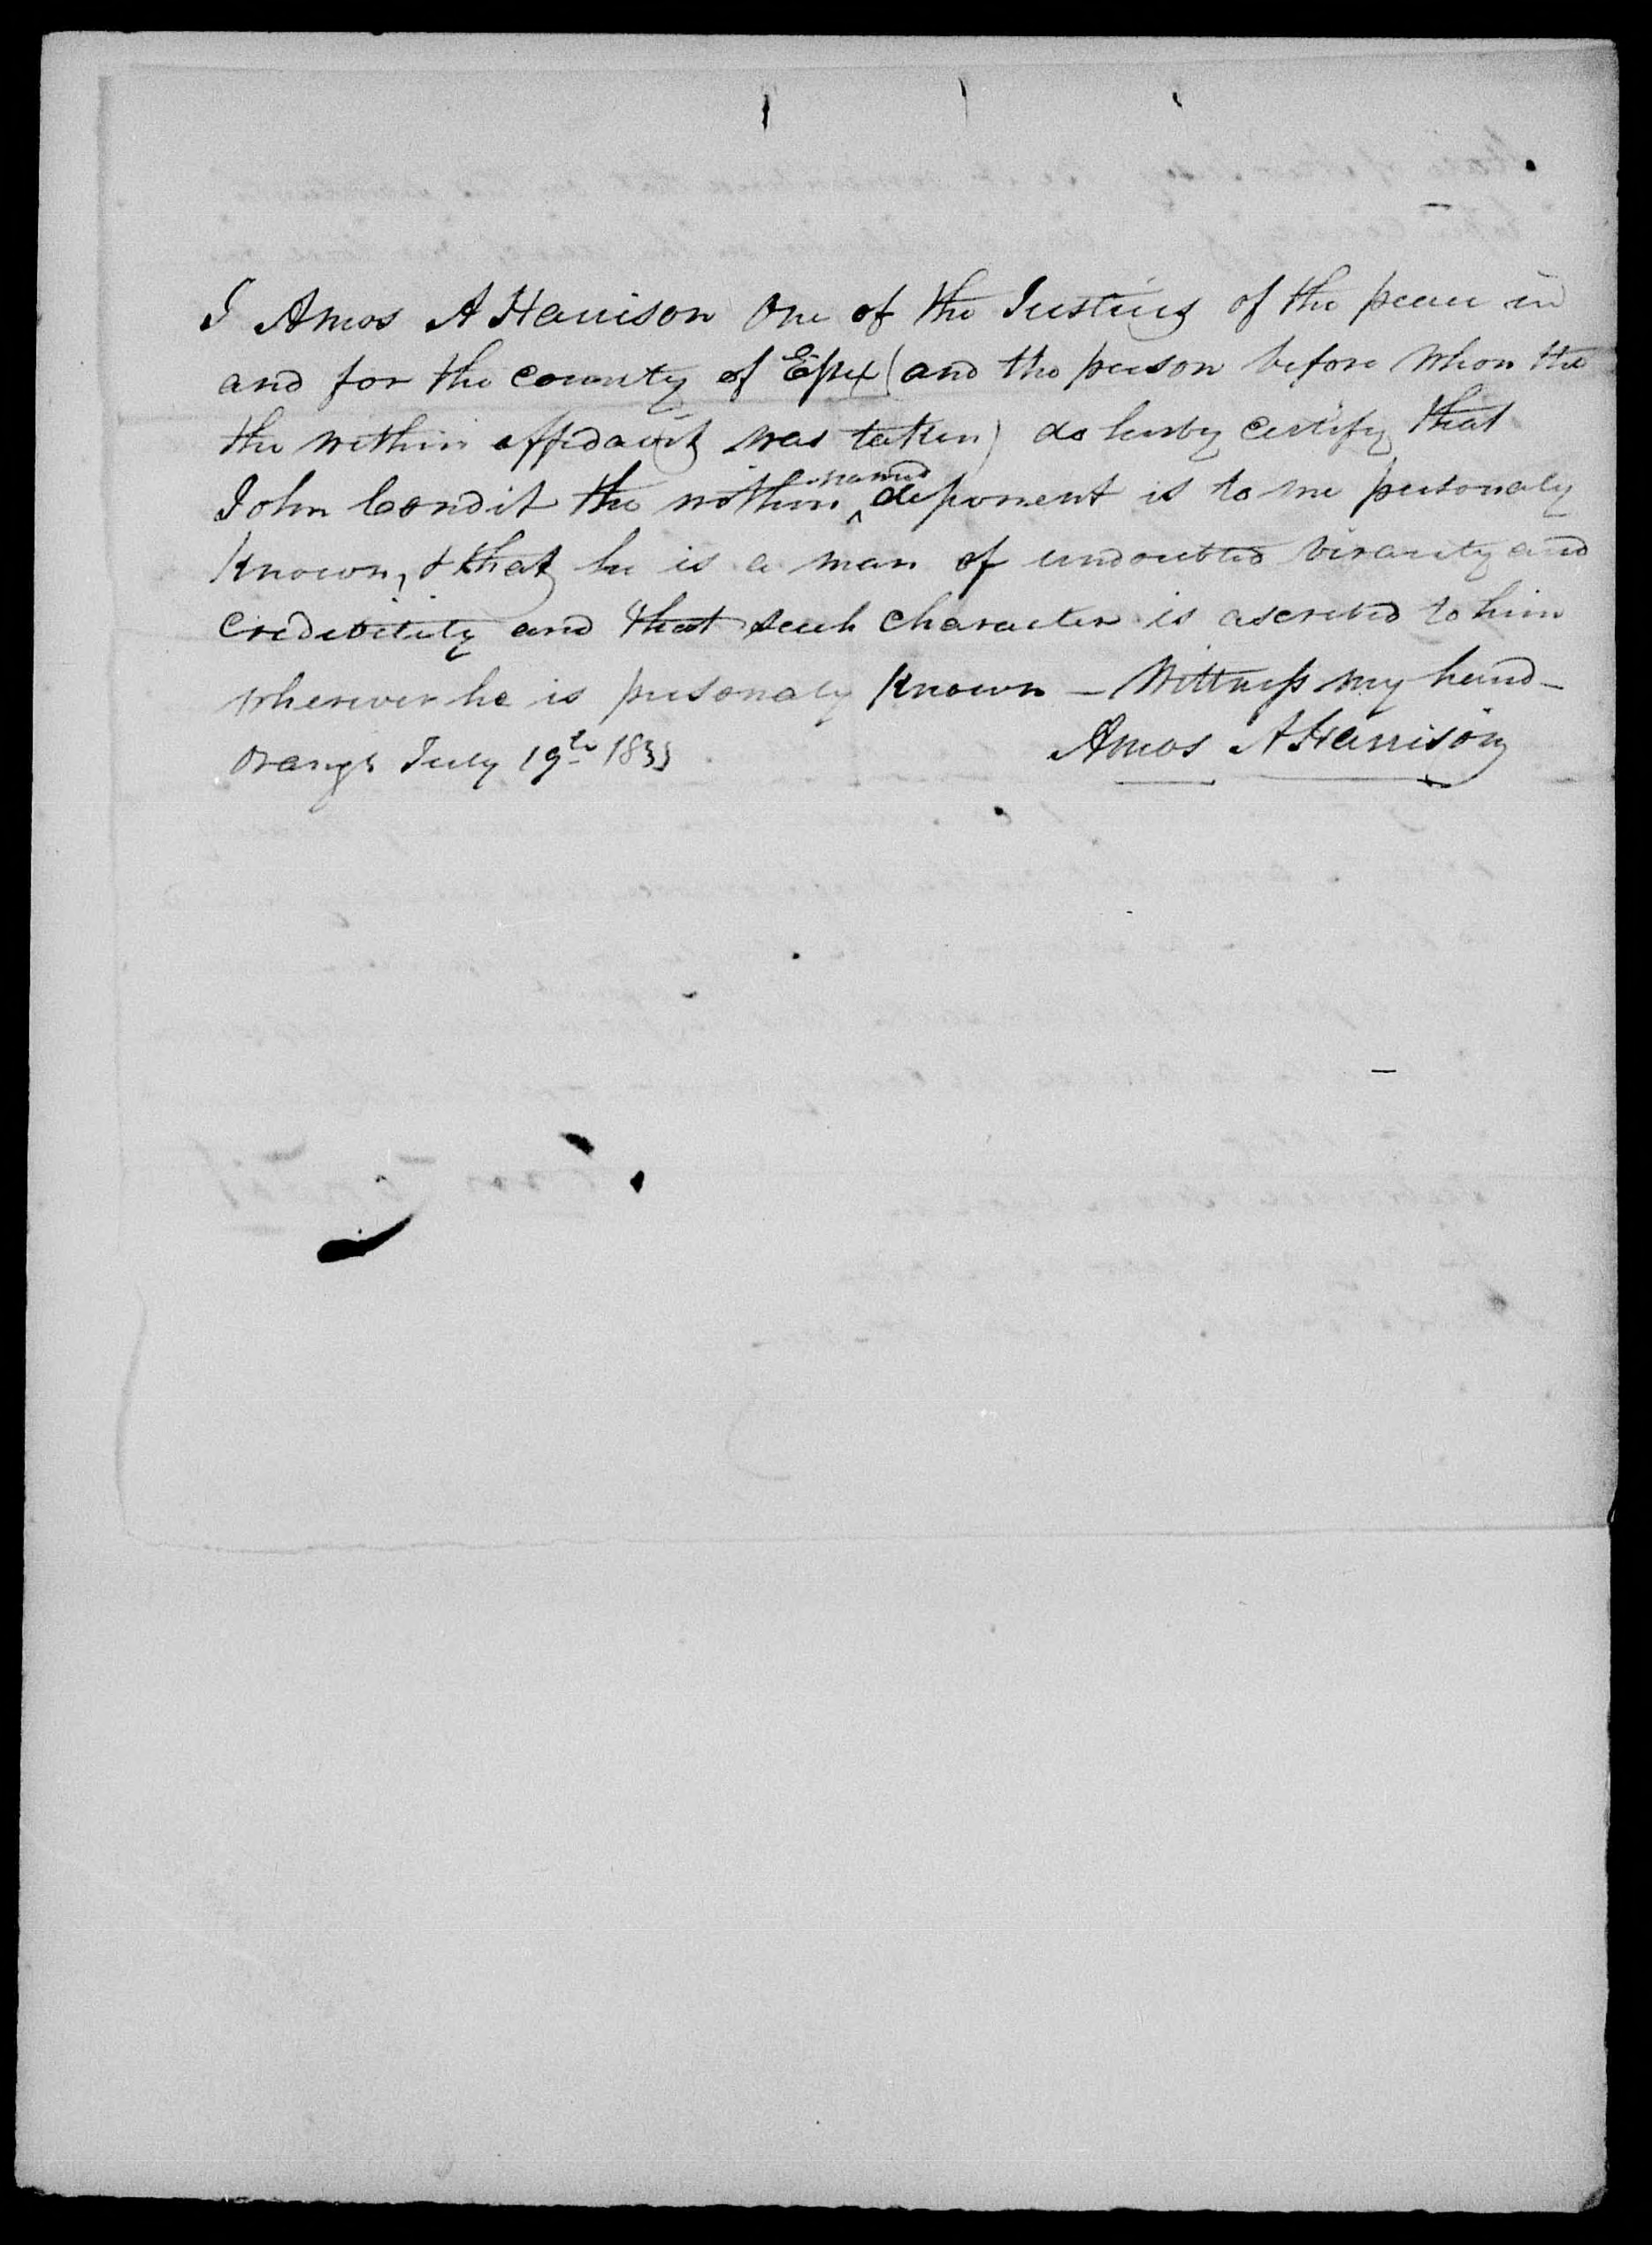I Amos A Harrison one of the Justices of the peace in
and for the County of Essex (and the person before whom the
the within affidavit was taken) do hereby certify that
John Condit the within named deponent is to me personally
known, & that he is a man of undoubted veracity and
credibility and that such character is ascribed to him
wherever he is personally known - Witness my hand
Orange July 19th 1833
Amos A Harrison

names: John Condit, Amos A Harrison, Amos A Harrison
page: 13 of 15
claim: survivor's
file: S. 883, Thomas Harrison, New Jersey